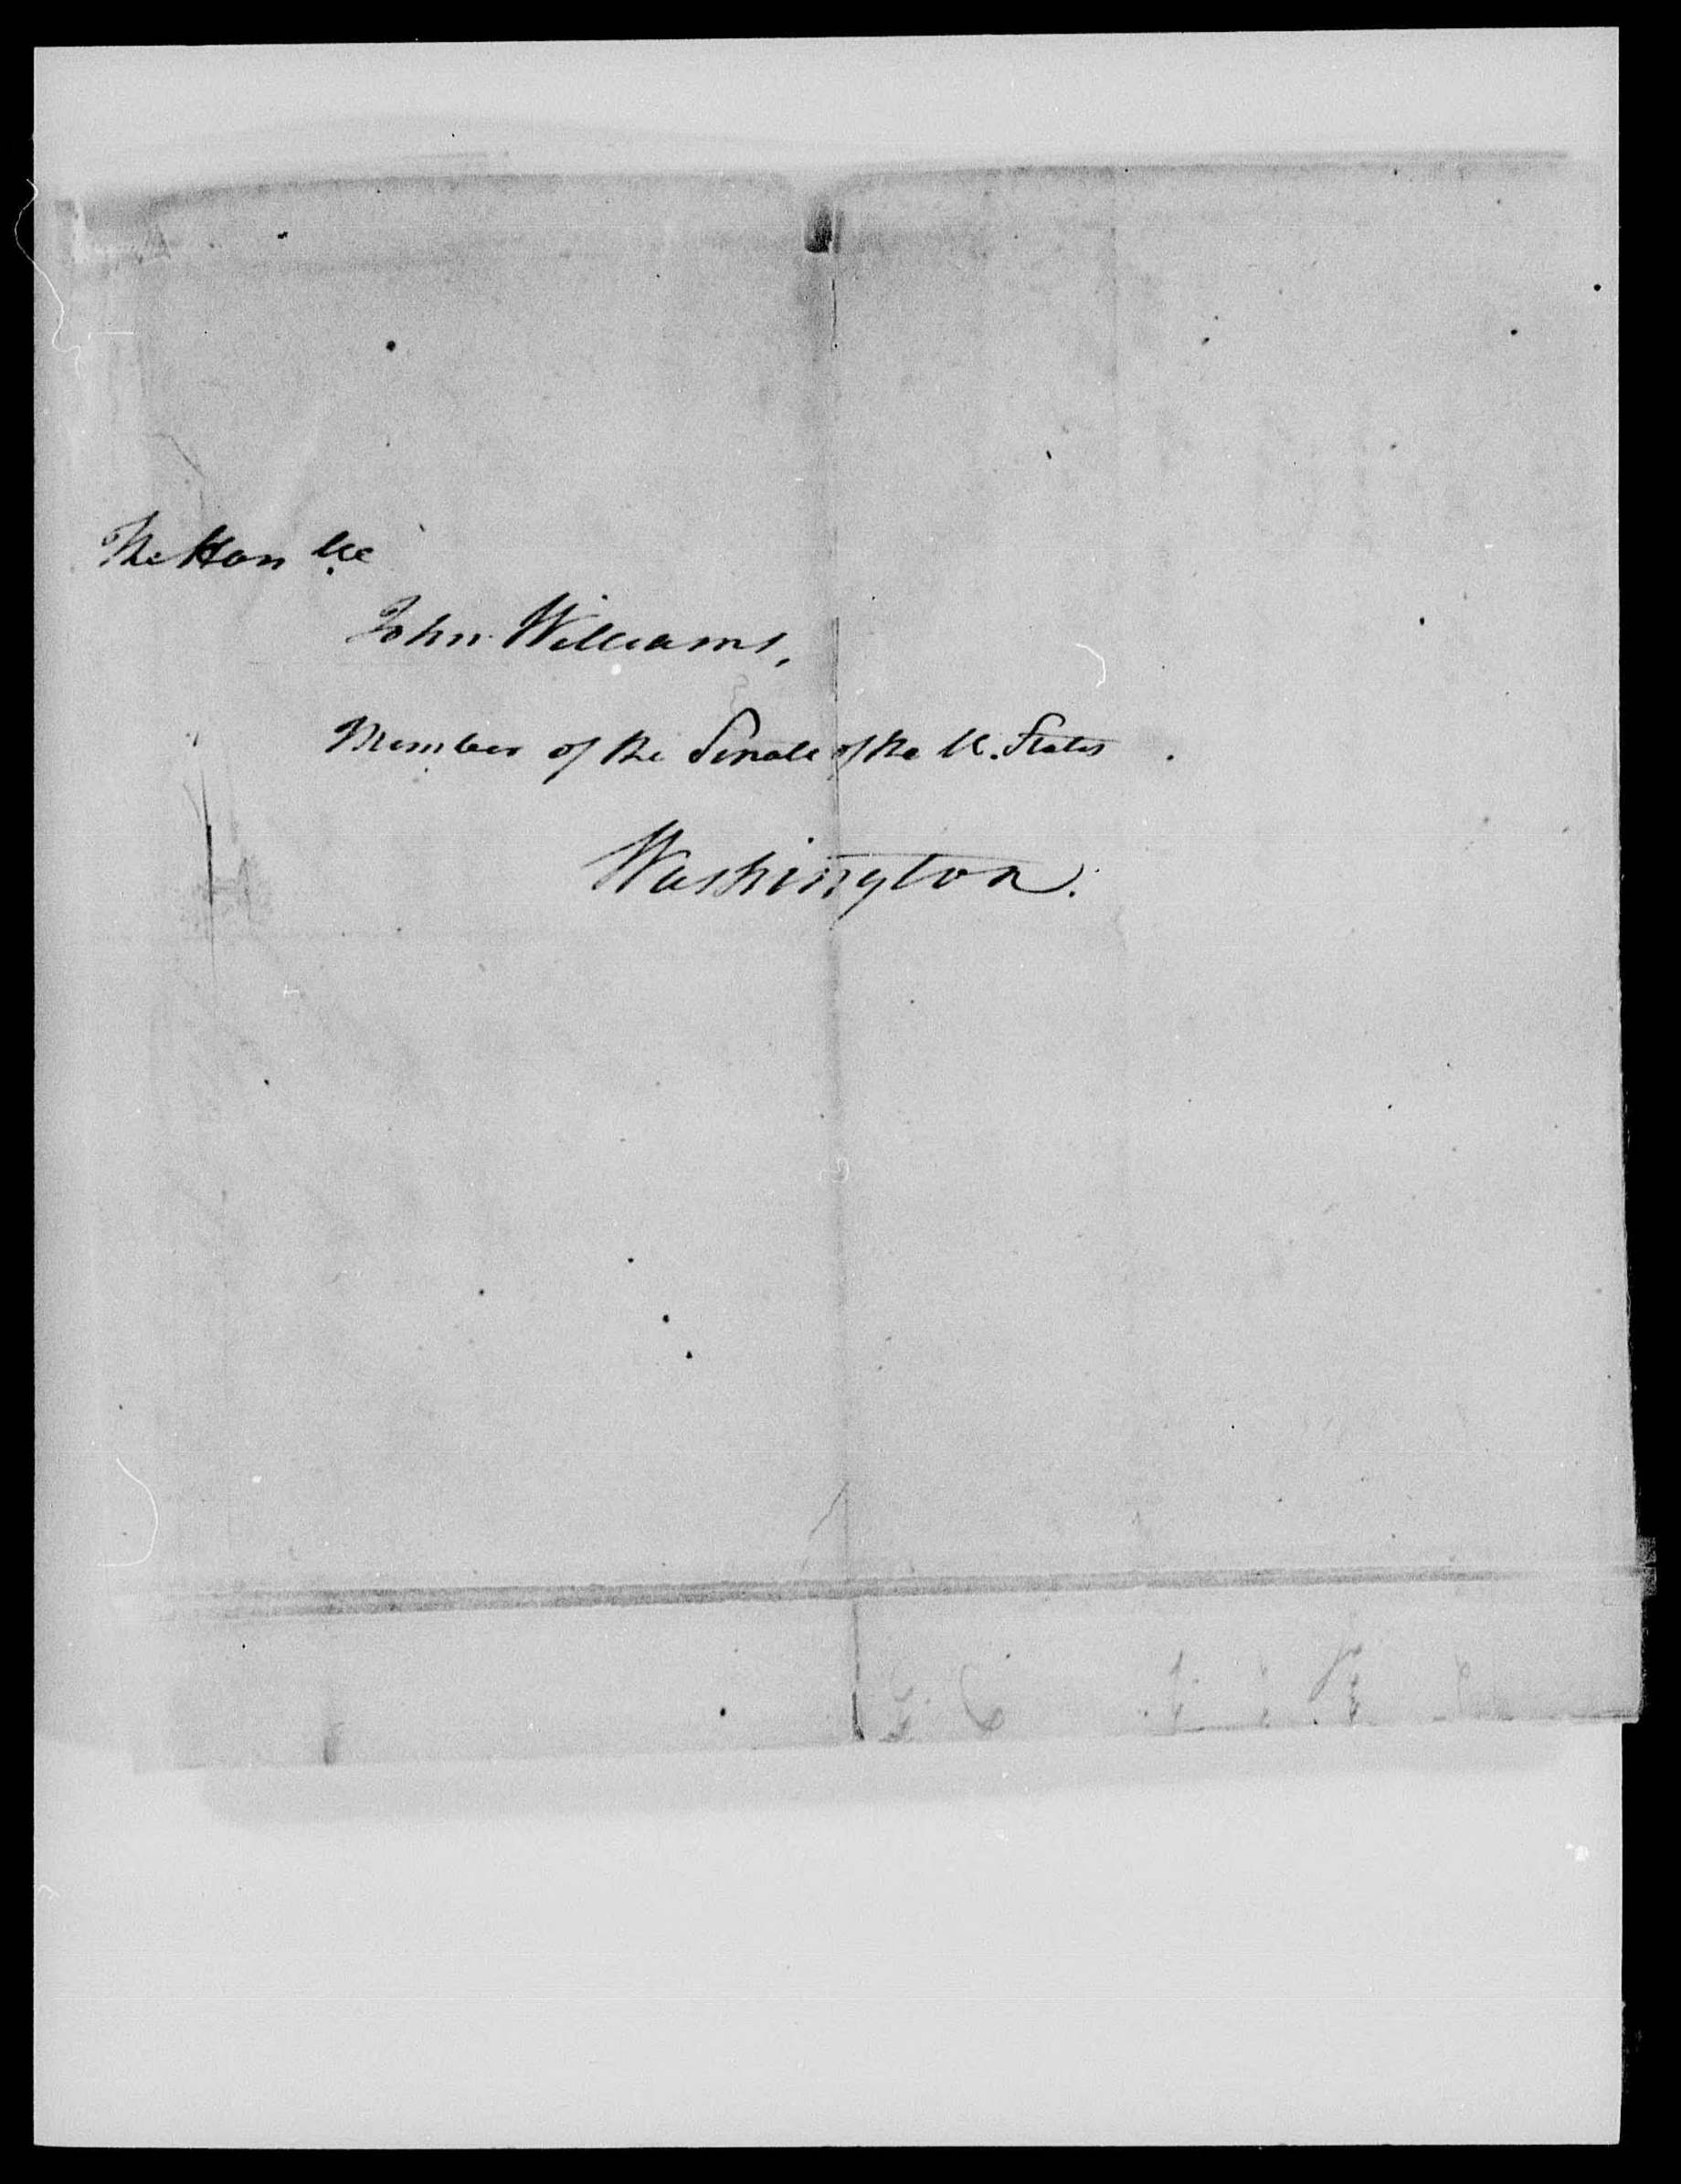The Honorable
John Williams
member of the Senate of United States
Washington.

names: John Williams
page: 11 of 26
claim: survivor's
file: S. 352, Robert Craighead, N.C.